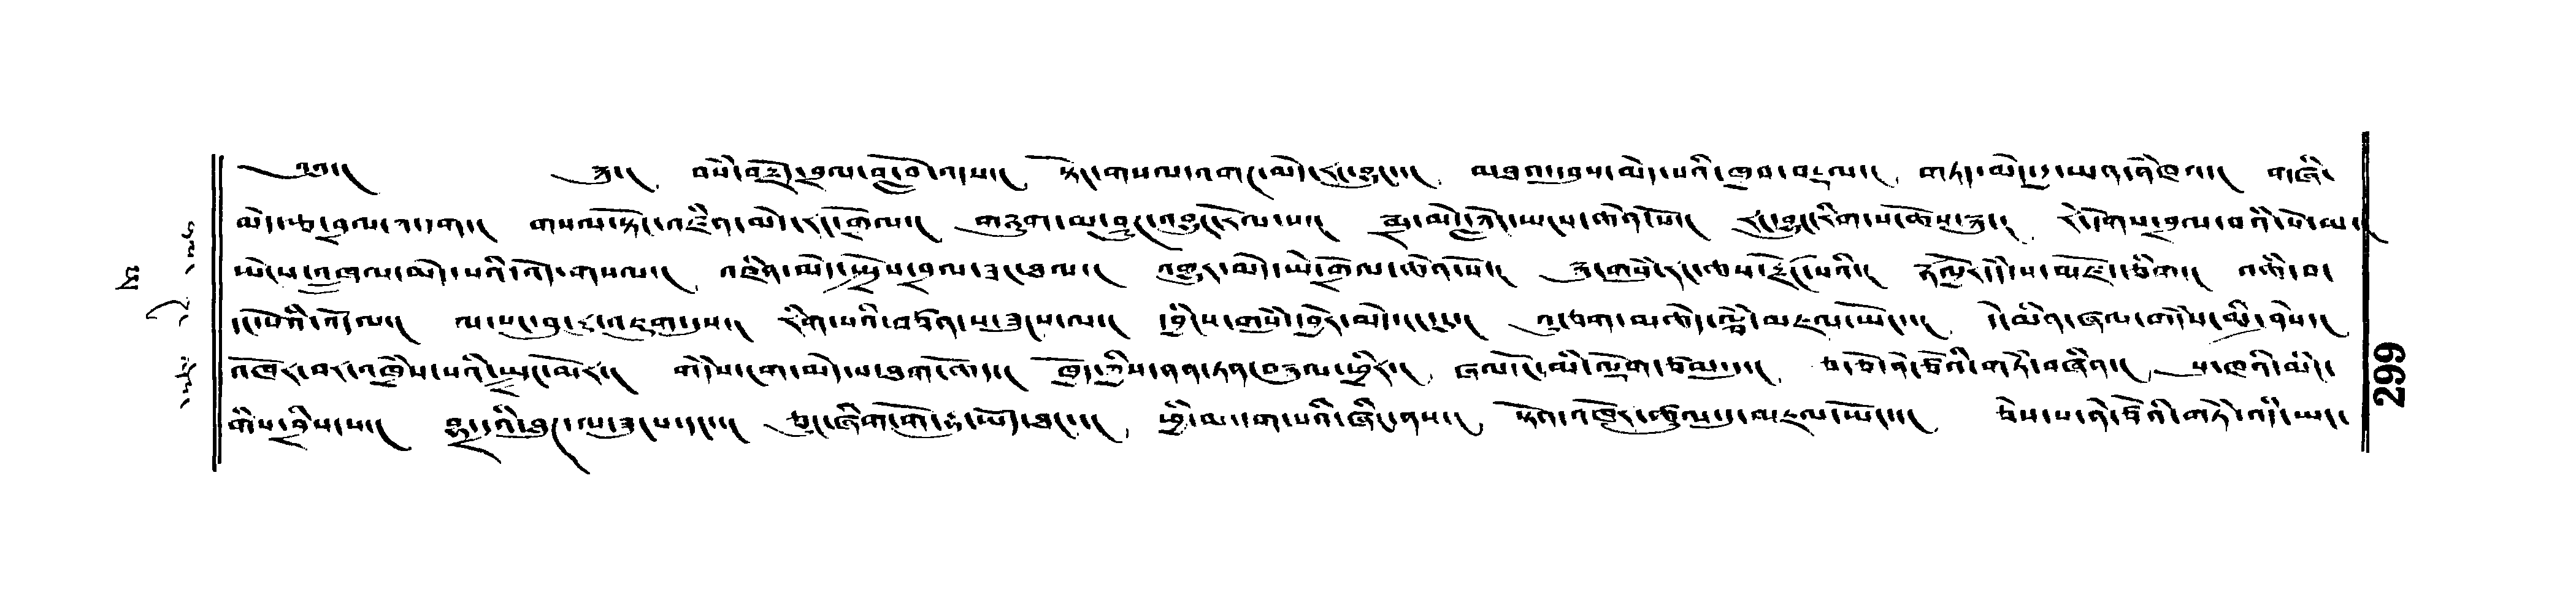སྐུ། །བསམ་བརྗོད་བྲལ་བ་བློ་འདས། །སྟོང་གསལ་འགགས་མེད་རང་བྱུང་། །མཐའ་དབུས་མེད་པའི་ཁྱབ་བརྡལ། །གཏད་མེད་རྒྱ་ཡན་ནམ་མཁའ། །གཞི་
མེད་རྩ་བྲལ་ཀ་དག །གསལ་སྟོང་འཛིན་མེད་རང་གྲོལ། །གཉུག་མ་ཤུགས་འབྱུང་རོལ་པ། །སྨྲ་མེད་ཀློང་ཡངས་ཆེན་པོ། །རང་བྱུང་རིག་པ་ཆོས་སྐུ། །རེ་དོགས་བྲལ་བའི་སོ་མ་། །
ཡེངས་འཁྲུལ་མེད་པའི་འོད་གསལ། །འཛིན་མེད་སྤྲོས་བྲལ་ཟང་ཐལ། །འགྱུར་མེད་ཡེ་གྲོལ་ཆེན་པོ། །སྐུ་གསུམ་རང་ཆས་རྫོགས་པའི། །རྣལ་འབྱོར་དམ་པ་མཛོད་ཅིག །འཆི་བ་
དང་པོའི་འོད་གསལ། །མ་པང་བུ་རུ་འཇུག་དུས། །རིག་པའི་བཙན་ས་ཟུངས་ལ། །དབྱིངས་གསུམ་དབྱེར་མེད་ངང་དུ། །འུ་ཅག་མཆེད་ལྕམ་མཇལ་ཡོང་། །དེ་མིན་ཞལ་གདམས་མི་ཤེས། །
འཁོར་བར་འཁྱམས་པའི་སྤྲང་མོར། །གདམས་ངག་མེད་པ་ཐག་ཆོད། ཁྱོད་ཀྱིས་ནན་ཏན་བསྐུལ་ཕྱིར། །ཞལ་ངོ་མ་ལྡོག་ཙམ་དུ། །ཅ་ཅོ་ནེ་ཙོའི་གཏམ་བཞིན། །སུ་ཁའི་མིང་
གིས་བྲིས་པ། །བྷ་དྲའི་ཐུགས་ལ་ཟུངས་དང་། །ཅུང་ཞིག་གོ་རྒྱུ་ཡོད་ཐང་། །ཕྱི་མ་དག་པའི་ཞིང་ནས། །སྟོན་འཁོར་ཚུལ་དུ་མཇལ་ཡོང་། ཅེས་པ་ནེ་ཙོའི་གཏམ་འདི་ཡང་